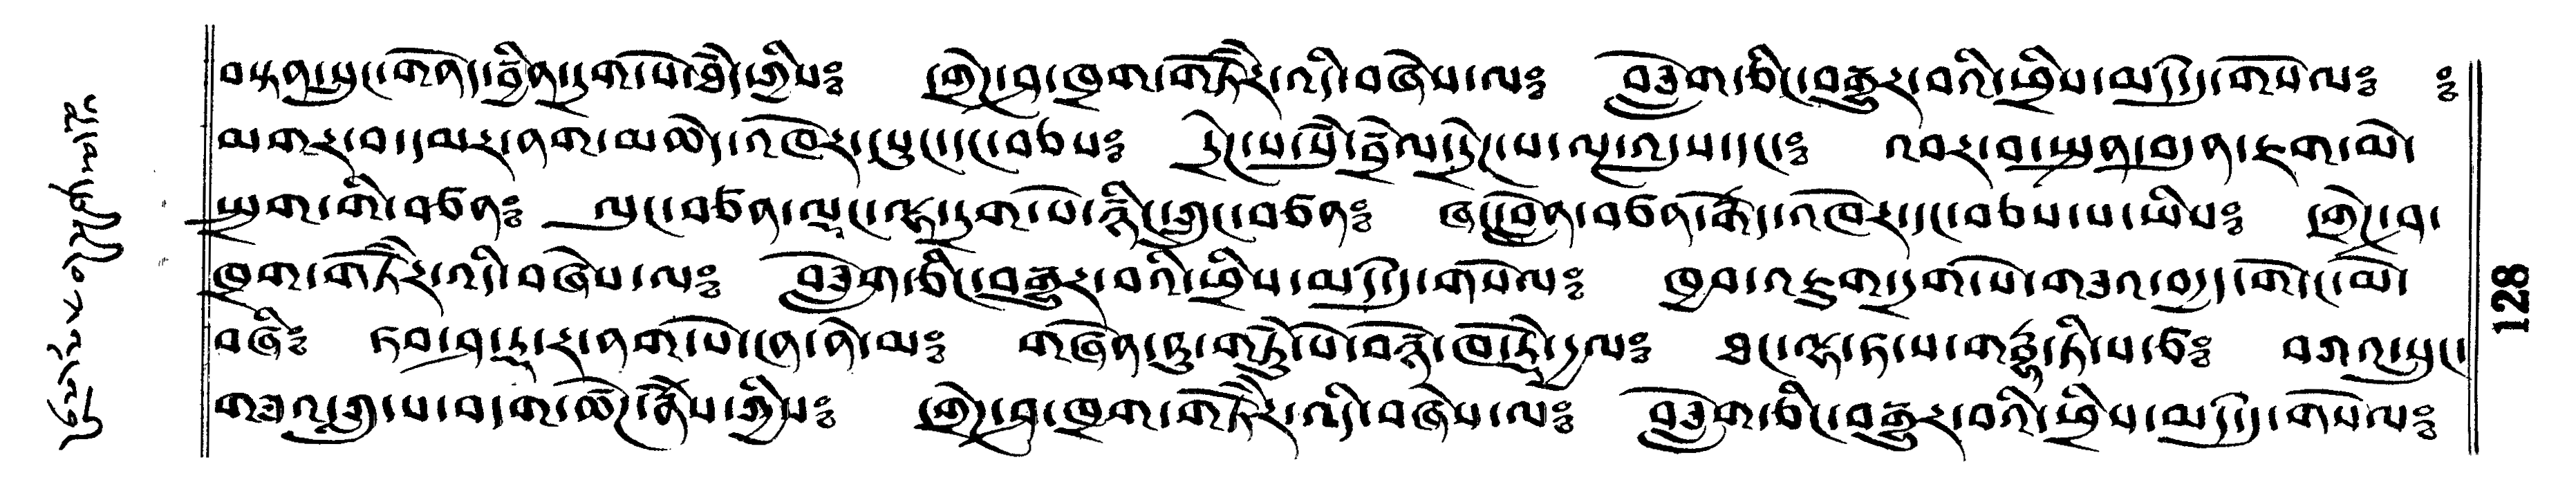བསྟན་སྲུང་གནོད་སྦྱིན་དྲག་པོ་ཐམས་ཅད་ཀྱིས༔དགྲ་བགེགས་ཤ་ཁྲག་གཏོར་མ་འདི་བཞེས་ལ༔ བཟློག་ཅིང་བསྒྱུར་བའི་ཕྲིན་ལས་མཛད་དུ་གསོལ༔ 
མགར་བ་དམར་ནག་མཆེད་འཁོར་དཔུང་དང་བཅས༔ དྲེགས་པ་སུམ་སྦྲེལ་དྲེགས་པ་ལྔ་འདུས་དང༔ འབར་བ་སྤུན་བདུན་ཇག་མེ་
སྤྲག་གི་བཙན༔ ལུང་བཙན་ལྡང་ལྷ་དྲག་པོ་སྙིང་དྲུང་བཙན༔ ཞང་བློན་བཙན་རྒོད་འཁོར་དང་བཅས་པ་ཡིས༔ དགྲ་བགེགས་ཤ་
ཁྲག་གཏོར་མ་འདི་བཞེས་ལ༔ བཟློག་ཅིང་བསྒྱུར་བའི་ཕྲིན་ལས་མཛད་དུ་གསོལ༔ ཁྱབ་འཇུག་དྲག་པོ་གཟའ་བརྒྱད་གདོང་མོ་
བཞི༔ ཧབ་ཤ་རྡ་ར་ནག་པོ་ངན་ནེ་མ༔ གཞོན་ནུ་གཏུམ་པོ་བསྙོ་ཁ་རྡོ་རྗེ་རྒྱལ༔ ཐང་ལྷ་ཧ་ས་གརྦྷ་ཏི་པ་ཙ༔ བཀའ་སྲུང་
གཟའ་ཀླུ་ས་བདག་ཚོགས་རྣམས་ཀྱིས༔ དགྲ་བགེགས་ཤ་ཁྲག་གཏོར་མ་འདི་བཞེས་ལ༔ བཟློག་ཅིང་བསྒྱུར་བའི་ཕྲིན་ལས་མཛད་དུ་གསོལ༔